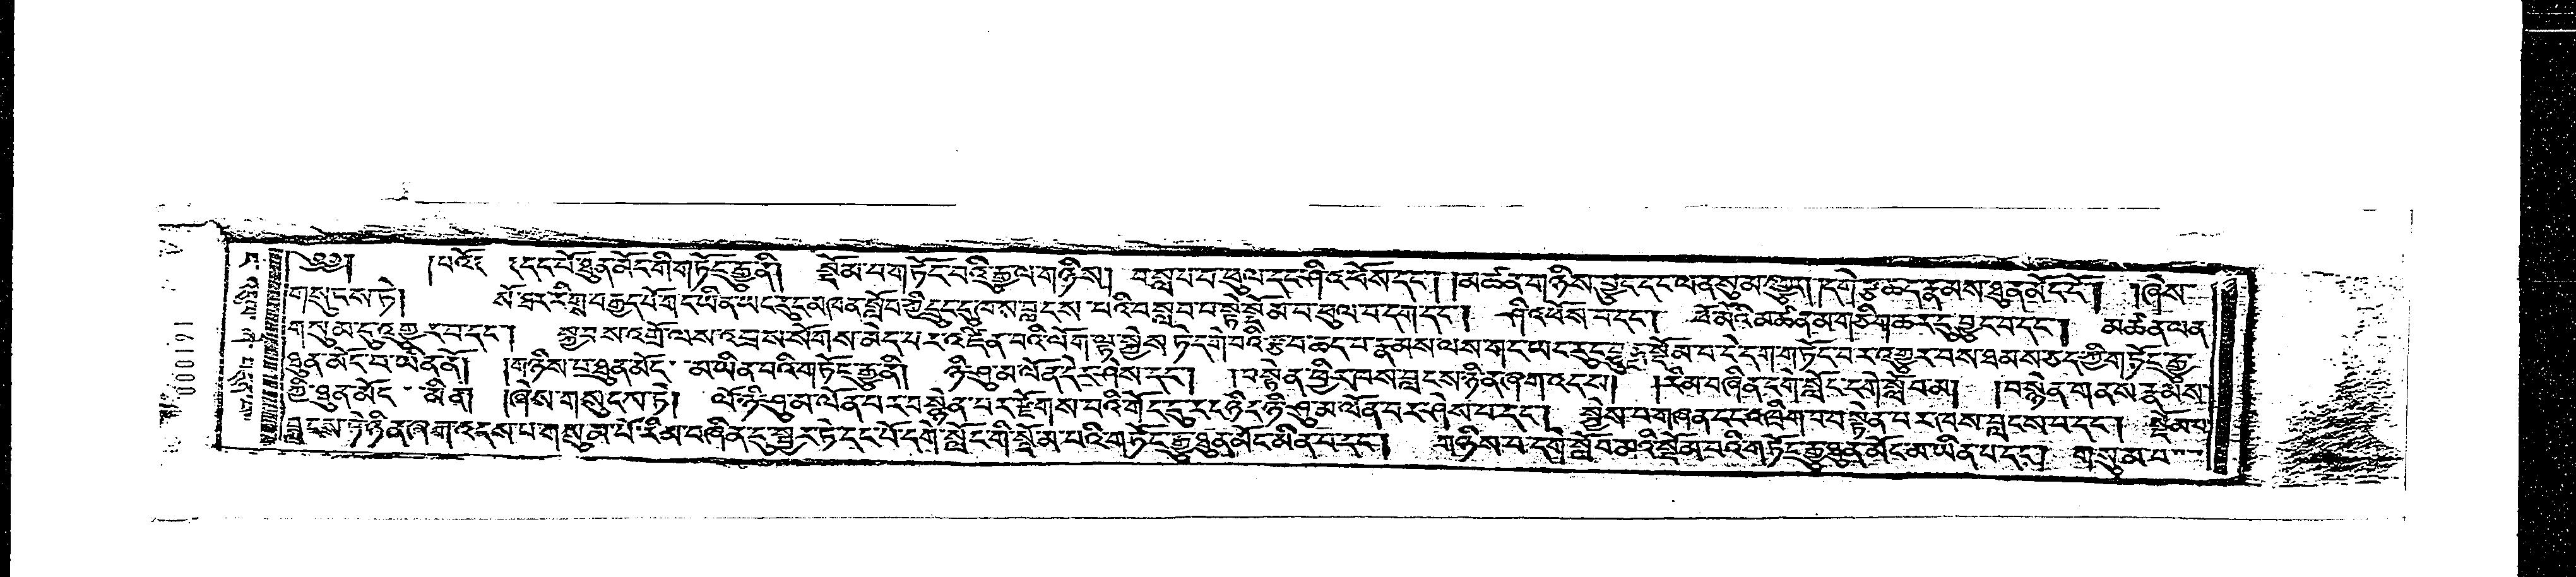༄༅། །པའོ༑ ༑དང་པོ་ཐུན་མོང་གི་གཏོང་རྒྱུ་ནི། སྡོམ་པ་གཏོང་བའི་རྒྱུ་ལ་གཉིས། བསླབ་པ་ཕུལ་དང་ཤི་འཕོས་དང་། །མཚན་གཉིས་བྱུང་དང་ལན་སུམ་འགྱུར། །དགེ་རྩ་ཆད་རྣམས་ཐུན་མོང་ངོ། །ཞེས་
གསུངས་ཏེ། སོ་ཐར་རིགས་བརྒྱད་པོ་གང་ཡིན་ཡང་རུང་མཁན་སློབ་ཀྱི་དྲུང་དུ་ཁས་བླངས་པའི་བསླབ་པ་སྟེ་སྡོམ་པ་ཕུལ་བ་དག་དང་། ཤི་འཕོས་པ་དང་། ཕོ་མོའི་མཚན་མ་གཅིག་ཆར་དུ་བྱུང་བ་དང་། མཚན་ལན་
གསུམ་དུ་འགྱུར་བ་དང་། སྐྱབས་འགྲོ་ལས་འབྲས་སོགས་མེད་པར་འཛིན་པའི་ལོག་ལྟ་སྐྱེས་ཏེ་དགེ་བའི་རྩ་བ་ཆད་པ་རྣམས་ལས་གང་ཡང་རུང་བྱུང་ན་སྡོམ་པ་དེ་དག་གཏོང་བར་འགྱུར་བས་ཐམས་ཅད་ཀྱི་གཏོང་རྒྱུ་
ཐུན་མོང་བ་ཡིན་ནོ། །གཉིས་པ་ཐུན་མོང་མ་ཡིན་པའི་གཏོང་རྒྱུ་ནི། ཉི་ཤུ་མ་ལོན་དེར་ཤེས་དང་། །བསྟེན་ཕྱིར་ཁས་བླངས་ཉིན་ཞག་འདས། །རིམ་བཞིན་དགེ་སློང་དགེ་སློབ་མ། །བསྙེན་གནས་རྣམས་
ཀྱི་ཐུན་མོང་མིན། །ཞེས་གསུངས་ཏེ། ལོ་ཉི་ཤུ་མ་ལོན་པར་བསྙེན་པར་རྫོགས་པའི་གོང་དུ་རང་ཉིད་ཉི་ཤུ་མ་ལོན་པར་ཤེས་པ་དང་། སྐྱེས་བ་གཞན་དང་འཁྲིག་པ་བསྟེན་པར་ཁས་བླངས་པ་དང་། སྡོམ་པ་
བླངས་ཏེ་ཉིན་ཞག་འདས་པ་གསུམ་པོ་རིམ་བཞིན་དུ་སྦྱར་ཏེ་དང་པོ་དགེ་སློང་གི་སྡོམ་པའི་གཏོང་རྒྱུ་ཐུན་མོང་མིན་པ་དང་། གཉིས་པ་དགེ་སློབ་མའི་སྡོམ་པའི་གཏོང་རྒྱུ་ཐུན་མོང་མ་ཡིན་པ་དང་། གསུམ་པ་